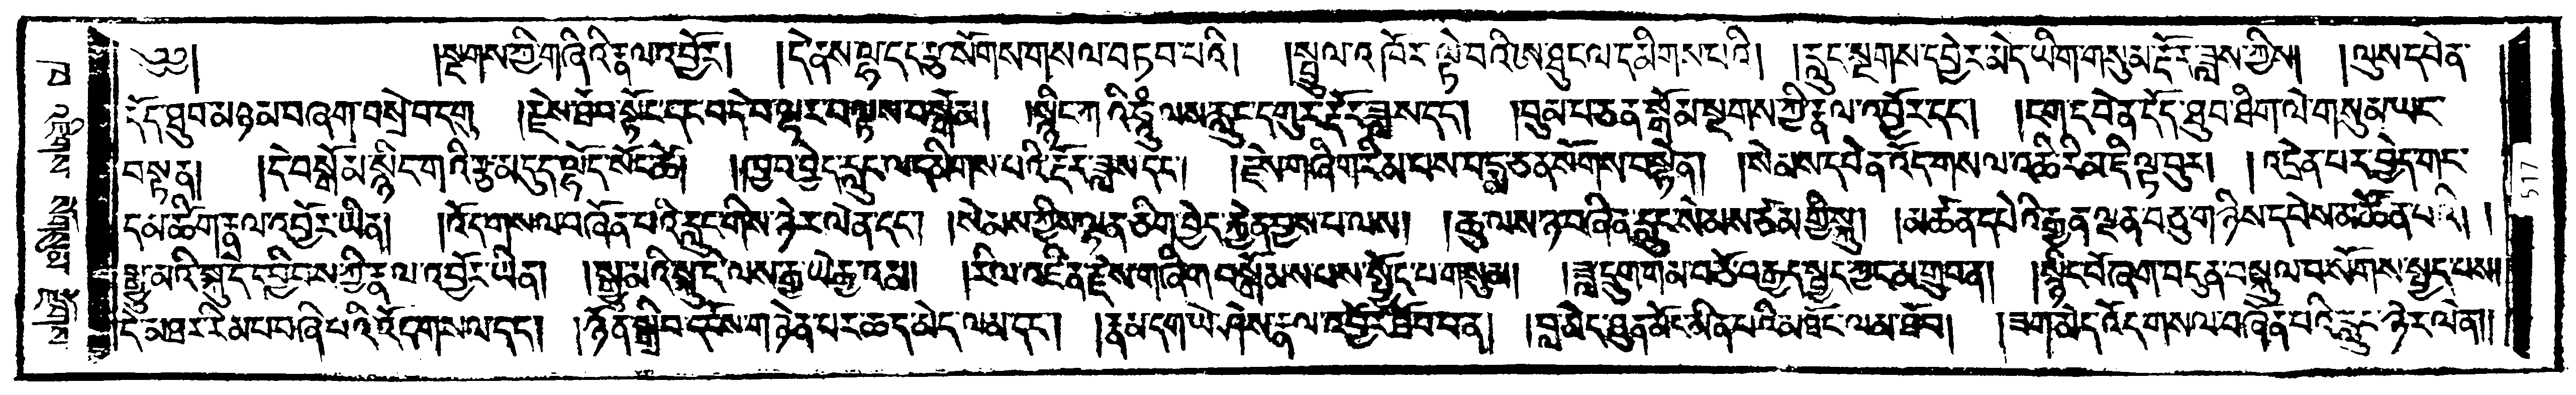༄༅། །སྔགས་ཀྱི་གཞིའི་རྣལ་འབྱོར། །དེ་ནས་ལྷ་དང་རྩ་སོགས་གསལ་བཏབ་པའི། །སྤྲུལ་འཁོར་ལྟེ་བའི་ཨ་ཐུང་ལ་དམིགས་པའི། །རླུང་སྔགས་དབྱེར་མེད་ཡིག་གསུམ་རྡོར་ཟླས་ཀྱིས། །ལུས་དབེན་
དོད་ཐུབ་མཉམ་བཞག་བསྲེ་བ་དགུ །རྗེས་ཐོབ་སྟོང་དང་བདེ་བ་ལྷར་བལྟས་བསྒོམ། །སྙིང་ཀའི་ཧཱུཾ་ལས་རླུང་དགུར་རྡོར་ཟླས་དང་། །བུམ་པ་ཅན་སྒོམ་སྔགས་ཀྱི་རྣལ་འབྱོར་དང་། །ངག་དབེན་དོད་ཐུབ་ཐིག་ལེ་གསུམ་ཡང་
བསྟན། །དེ་བསྒོམ་སྙིང་གའི་རྩ་མདུད་ལྷོད་སོང་ཚེ། །ཁྱབ་བྱེད་རླུང་ལ་དམིགས་པའི་རྡོར་ཟླས་དང་། །རྗེས་གཞིག་རིམ་པས་པདམ་ཅན་སོགས་བསྟེན། །སེམས་དབེན་འོད་གསལ་འཆི་རིམ་ཇི་ལྟ་བུར། །འདྲེན་པར་བྱེད་གང་
དམ་ཚིག་རྣལ་འབྱོར་ཡིན། །འོད་གསལ་བཞོན་པའི་རླུང་གིས་ཉེར་ལེན་དང་། །སེམས་ཀྱིས་ལྷན་ཅིག་བྱེད་རྐྱེན་བྱས་པ་ལས། །ཆུ་ལས་ཉ་བཞིན་རླུང་སེམས་ཙམ་གྱི་སྐུ། །མཚན་དཔེའི་རྒྱན་ལྡན་བཅུ་གཉིས་དཔེས་མཚོན་པའི། །
སྒྱུ་མའི་སྐུ་དེ་དབྱིབས་ཀྱི་རྣལ་འབྱོར་ཡིན། །སྒྱུ་མའི་སྐུ་དེ་ལས་རྒྱ་ཡེ་རྒྱ་འམ། །རིལ་འཛིན་རྗེས་གཞིག་བསྒོམས་པས་སྤྱོད་པ་གསུམ། །ཟླ་དྲུག་གམ་བཅོ་བརྒྱད་སྦྱང་ཀྱང་མ་གྲུབ་ན། །སྙིང་པོ་ཞག་བདུན་བསྐུལ་བ་སོགས་སྤྱད་པས།
དེ་མཐར་རིམ་པ་བཞི་པའི་འོད་གསལ་དང་། །ཉོན་སྒྲིབ་དངོས་གཉེན་པར་ཆད་མེད་ལམ་དང་། །རྣམ་དག་ཡེ་ཤེས་རྣལ་འབྱོར་ཐོབ་པ་ན། །བླ་མེད་ཐུན་མོང་མིན་པའི་མཐོང་ལམ་ཐོབ། །ཟག་མེད་འོད་གསལ་བཞོན་པའི་རླུང་ཉེར་ལེན།།